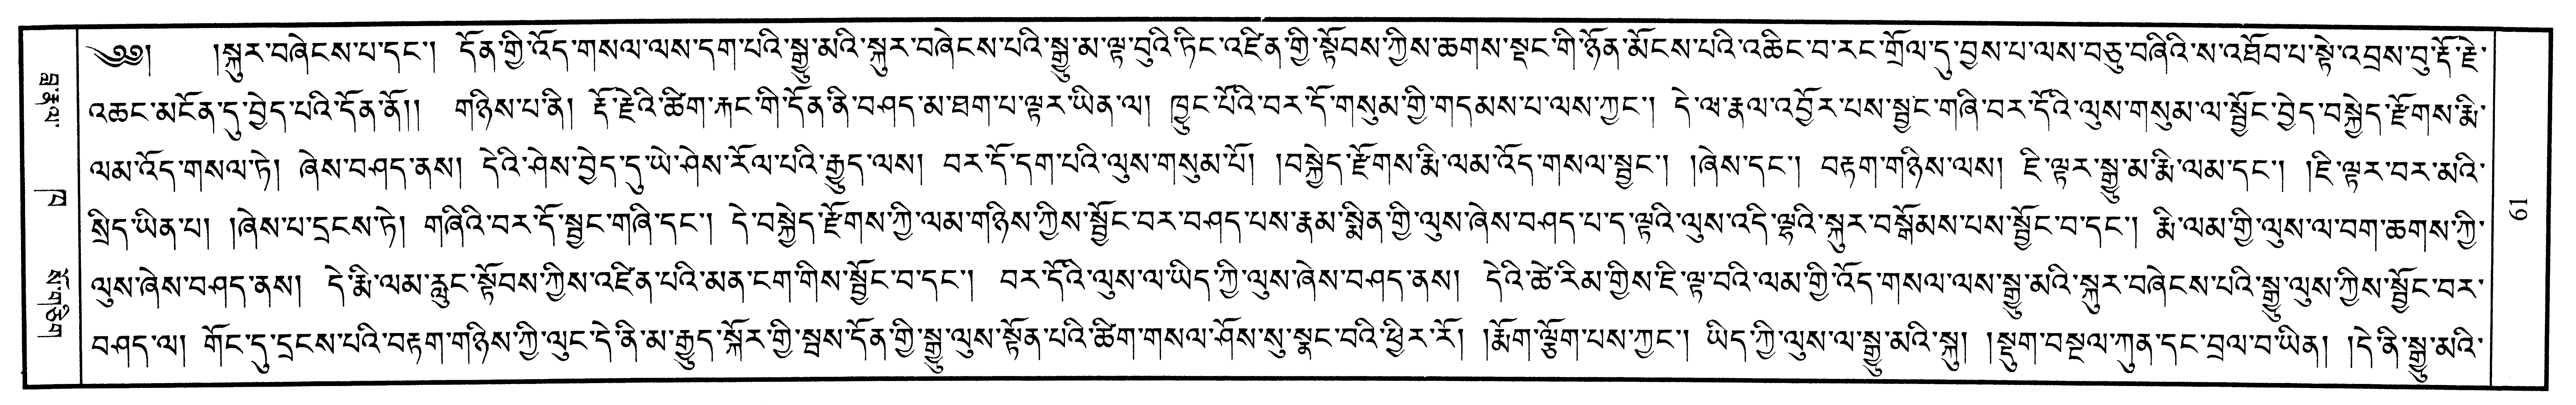༄༅། །སྐུར་བཞེངས་པ་དང་། །དོན་གྱི་འོད་གསལ་ལས་དག་པའི་སྒྱུ་མའི་སྐུར་བཞེངས་པའི་སྒྱུ་མ་ལྟ་བུའི་ཏིང་འཛིན་གྱི་སྟོབས་ཀྱིས་ཆགས་སྡང་གི་ཉོན་མོངས་པའི་འཆིང་བ་རང་གྲོལ་དུ་བྱས་པ་ལས་བཅུ་བཞིའི་ས་འཐོབ་པ་སྟེ་འབྲས་བུ་རྡོ་རྗེ་
འཆང་མངོན་དུ་བྱེད་པའི་དོན་ནོ།། གཉིས་པ་ནི། རྡོ་རྗེའི་ཚིག་རྐང་གི་དོན་ནི་བཤད་མ་ཐག་པ་ལྟར་ཡིན་ལ། །ཁྱུང་པོའི་བར་དོ་གསུམ་གྱི་གདམས་པ་ལས་ཀྱང་། དེ་ལ་རྣལ་འབྱོར་པས་སྦྱང་གཞི་བར་དོའི་ལུས་གསུམ་ལ་སྦྱོང་བྱེད་བསྐྱེད་རྫོགས་རྨི་
ལམ་འོད་གསལ་ཏེ། ཞེས་བཤད་ནས། དེའི་ཤེས་བྱེད་དུ་ཡེ་ཤེས་རོལ་པའི་རྒྱུད་ལས། བར་དོ་དག་པའི་ལུས་གསུམ་པོ། །བསྐྱེད་རྫོགས་རྨི་ལམ་འོད་གསལ་སྦྱང་། །ཞེས་དང་། བརྟག་གཉིས་ལས། ཇི་ལྟར་སྒྱུ་མ་རྨི་ལམ་དང་། །ཇི་ལྟར་བར་མའི་
སྲིད་ཡིན་པ། །ཞེས་པ་དྲངས་ཏེ། གཞིའི་བར་དོ་སྦྱང་གཞི་དང་། དེ་བསྐྱེད་རྫོགས་ཀྱི་ལམ་གཉིས་ཀྱིས་སྦྱོང་བར་བཤད་པས་རྣམ་སྨིན་གྱི་ལུས་ཞེས་བཤད་པ་ད་ལྟའི་ལུས་འདི་ལྷའི་སྐུར་བསྒོམས་པས་སྦྱོང་བ་དང་། རྨི་ལམ་གྱི་ལུས་ལ་བག་ཆགས་ཀྱི་
ལུས་ཞེས་བཤད་ནས། དེ་རྨི་ལམ་རླུང་སྟོབས་ཀྱིས་འཛིན་པའི་མན་ངག་གིས་སྦྱོང་བ་དང་། བར་དོའི་ལུས་ལ་ཡིད་ཀྱི་ལུས་ཞེས་བཤད་ནས། དེའི་ཚེ་རིམ་གྱིས་ཇི་ལྟ་བའི་ལམ་གྱི་འོད་གསལ་ལས་སྒྱུ་མའི་སྐུར་བཞེངས་པའི་སྒྱུ་ལུས་ཀྱིས་སྦྱོང་བར་
བཤད་ལ། གོང་དུ་དྲངས་པའི་བརྟག་གཉིས་ཀྱི་ལུང་དེ་ནི་མ་རྒྱུད་སྐོར་གྱི་སྦས་དོན་གྱི་སྒྱུ་ལུས་སྟོན་པའི་ཚིག་གསལ་ཤོས་སུ་སྣང་བའི་ཕྱིར་རོ། །རྨོག་ལྕོག་པས་ཀྱང་། ཡིད་ཀྱི་ལུས་ལ་སྒྱུ་མའི་སྐུ། །སྡུག་བསྔལ་ཀུན་དང་བྲལ་བ་ཡིན། །དེ་ནི་སྒྱུ་མའི་